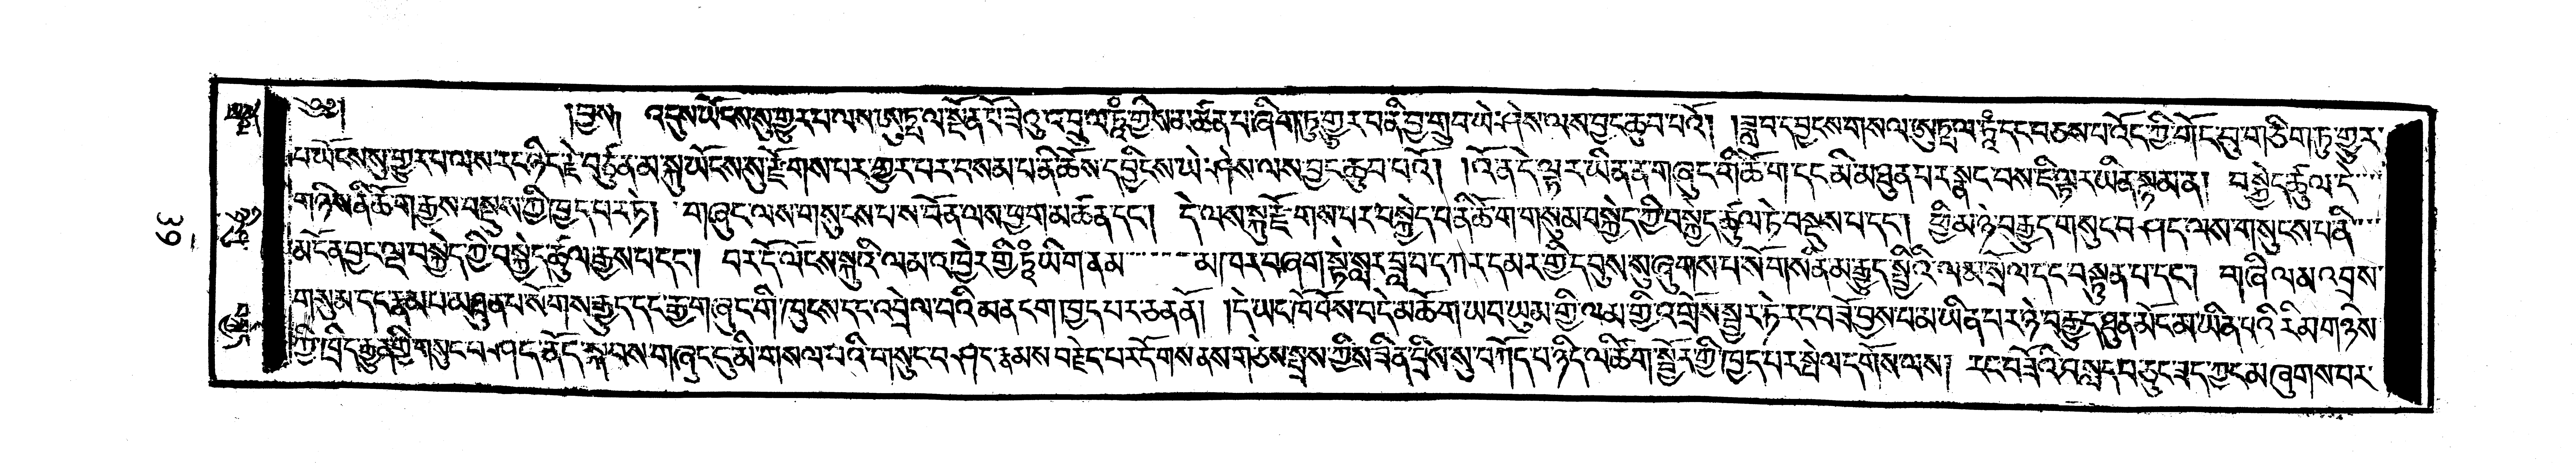༄༅། །བྱས། འདུས་ཡོངས་སུ་གྱུར་པ་ལས་ཨུཏྤ་ལ་སྔོན་པོ་ཟེའུ་འབྲུ་ལ་ཏཱཾ་གྱིས་མཚན་པ་ཞིག་ཏུ་གྱུར་པ་ནི་བྱ་གྲུབ་ཡེ་ཤེས་ལས་བྱང་ཆུབ་པའོ། །ཟླ་བ་དབྱངས་གསལ་ཨུཏྤ་ལ་ཏཱཾ་དང་བཅས་པ་འོད་ཀྱི་གོང་བུ་གཅིག་ཏུ་གྱུར་
པ་ཡོངས་སུ་གྱུར་པ་ལས་རང་ཉིད་རྗེ་བཙུན་མ་སྐུ་ཡོངས་སུ་རྫོགས་པར་གྱུར་པར་བསམ་པ་ནི་ཆོས་དབྱིངས་ཡེ་ཤེས་ལས་བྱང་ཆུབ་པའོ། །འོ་ན་དེ་ལྟར་ཡིན་ན་གཞུང་གི་ཆོ་ག་དང་མི་མཐུན་པར་སྣང་བས་ཇི་ལྟར་ཡིན་སྙམ་ན། བསྐྱེད་ཚུལ་དེ་
གཉིས་ནི་ཆོ་ག་རྒྱས་བསྡུས་ཀྱི་ཁྱད་པར་ཏེ། གཞུང་ལས་གསུངས་པ་ས་བོན་ལས་ཕྱག་མཚན་དང་། དེ་ལས་སྐུ་རྫོགས་པར་བསྐྱེད་པ་ནི་ཆོ་ག་གསུམ་བསྐྱེད་ཀྱི་བསྐྱེད་ཚུལ་ཏེ་བསྡུས་པ་དང་། ཕྱི་མ་ཉེ་བརྒྱུད་གསུང་བཤད་ལས་གསུངས་པ་ནི་
མངོན་བྱང་ལྔ་བསྐྱེད་ཀྱི་བསྐྱེད་ཚུལ་རྒྱས་པ་དང་། བར་དོ་ལོངས་སྐུའི་ལམ་འཁྱེར་གྱི་ཏཱཾ་ཡིག་ནམ་མཁར་བཞག་སྟེ་སླར་ཟླ་བ་དཀར་དམར་གྱི་དབུས་སུ་ཞུགས་པ་སོགས་ནི་མ་རྒྱུད་སྤྱིའི་ལམ་སྲོལ་དང་བསྟུན་པ་དང་། གཞི་ལམ་འབྲས་
གསུམ་དང་རྣམ་པ་མཐུན་པ་སོགས་རྒྱུད་དང་རྒྱ་གཞུང་གི་ཁུངས་དང་འབྲེལ་བའི་མན་ངག་ཁྱད་པར་ཅན་ནོ། །དེ་ཡང་ཁོ་བོས་བདེ་མཆོག་ཡབ་ཡུམ་གྱི་ལམ་གྱི་འགྲོས་སྦྱར་ཏེ་རང་བཟོ་བྱས་པ་མ་ཡིན་པར་ཉེ་བརྒྱུད་ཐུན་མོང་མ་ཡིན་པའི་རིམ་གཉིས་
གྱི་ཁྲིད་རྒྱུན་གྱི་གསུང་བཤད་ནོད་སྐབས་གཞུང་དུ་མི་གསལ་བའི་གསུང་བཤད་རྣམས་བརྗེད་བར་དོགས་ནས་གཅེས་སྤྲས་ཀྱིས་ཟིན་བྲིས་སུ་བཀོད་པ་ཉིད་ལ་ཚིག་སྦྱོང་གྱི་ཁྱད་པར་སྤེལ་དགོས་ལས། རང་བཟོའི་བསླད་པ་ཅུང་ཟད་ཀྱང་མ་ཞུགས་པར་